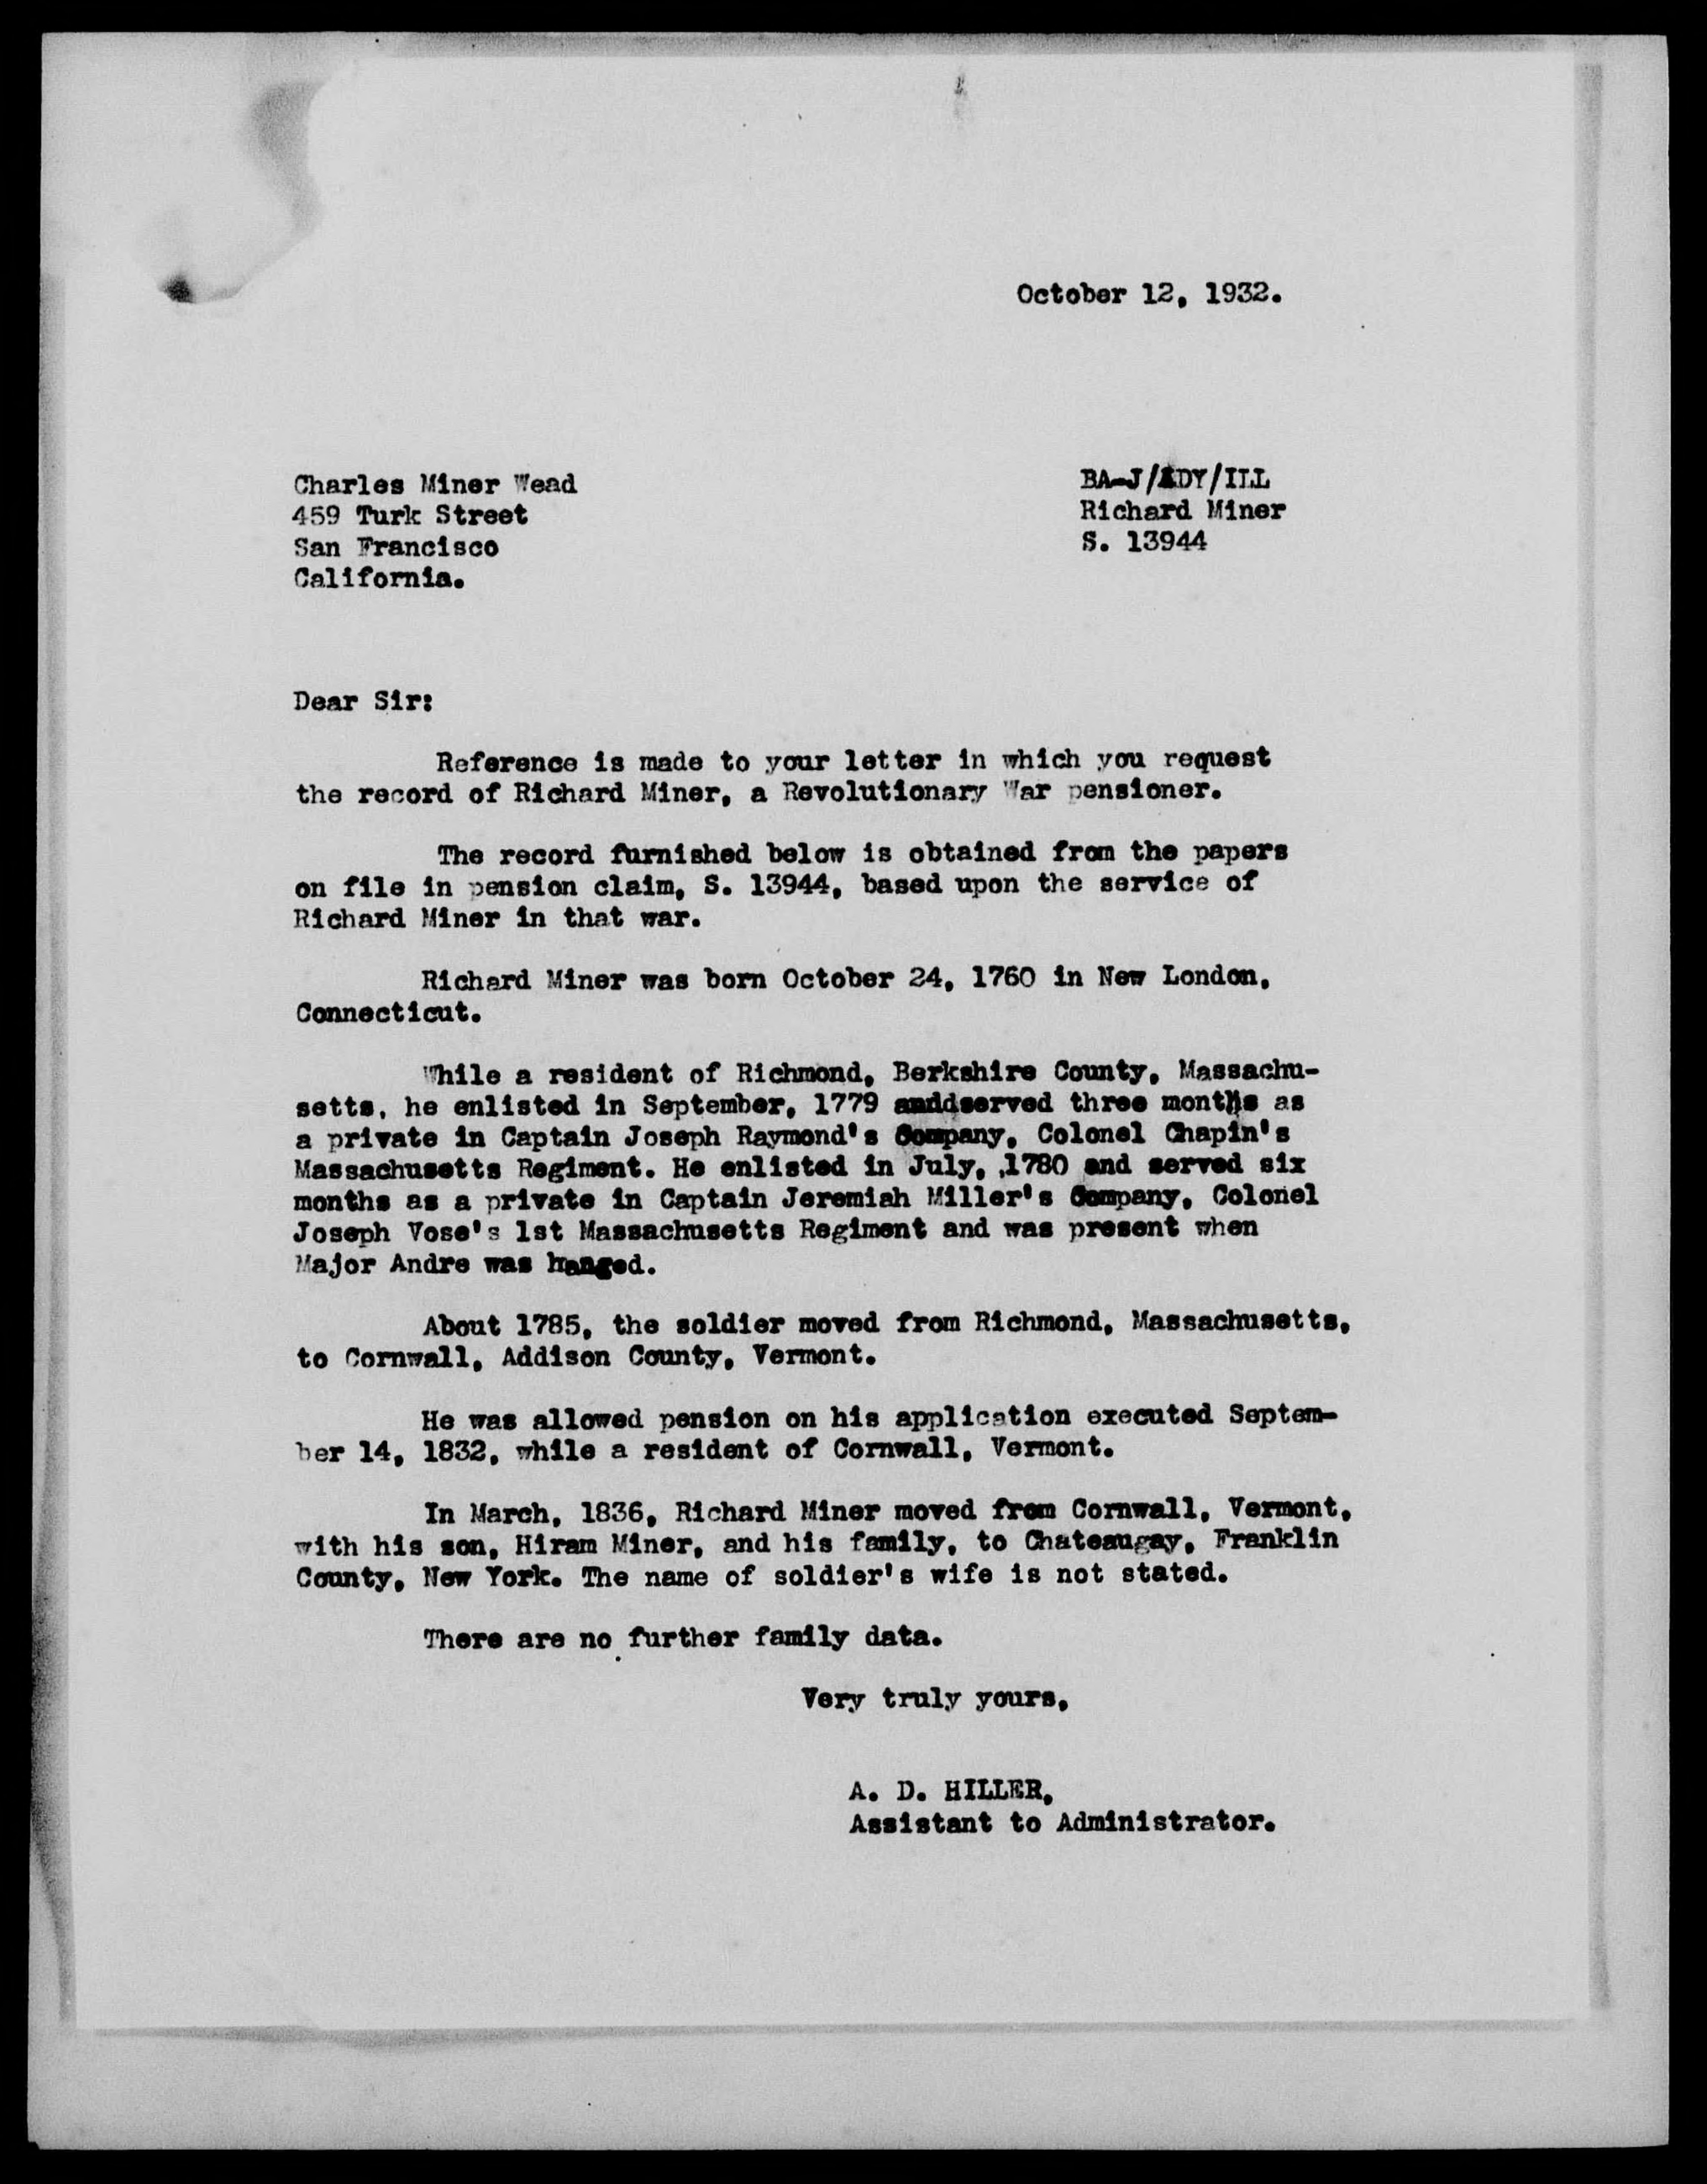October 12, 1932.
Charles Miner Wead
459 Turk Street
San Francisco
California.


BA-J/ADY ILL
Richard Miner
S. 13944

Dear Sir:
Reference is made to your letter in which you request
the record of Richard Miner, a Revolutionary War pensioner.
The record furnished below is obtained from the papers
on file in pension claim, S. 13944, based upon the service of
Richard Miner in that war.
Richard Miner was born October 24, 1760 in New London,
Connecticut.
While a resident of Richmond, Berkshire County, Massachusetts, he enlisted in September, 1779 and served three months as a
private in Captain Joseph Raymond's Company, Colonel Chapin's
Massachusetts Regiment. He enlisted in July, 1780 and served six
months as a private in Captain Jeremiah Miller's Company, Colonel
Joseph Vose's 1st Massachusetts Regiment and was present when
Major Andre was hanged.
About 1785, the soldier moved from Richmond, Massachusetts,
to Cornwall, Addison County, Vermont.
He was allowed pension on his application executed September
14, 1832, while a resident of Cornwall, Vermont.
In March, 1836, Richard Miner moved from Cornwall, Vermont,
with his son, Hiram Miner, and his family, to Chateaugay, Franklin
County, New York. The name of soldier's wife is not stated.
There are no further family data.
Very truly yours,
A. D. HILLER,
Assistant to Administrator.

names: Richard Miner; Charles Miner Wead; [BLANK] Andre; Hiram Miner; A D Hiller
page: 20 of 34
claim: survivor's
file: S. 13944, for Richard Miner, Massachusetts